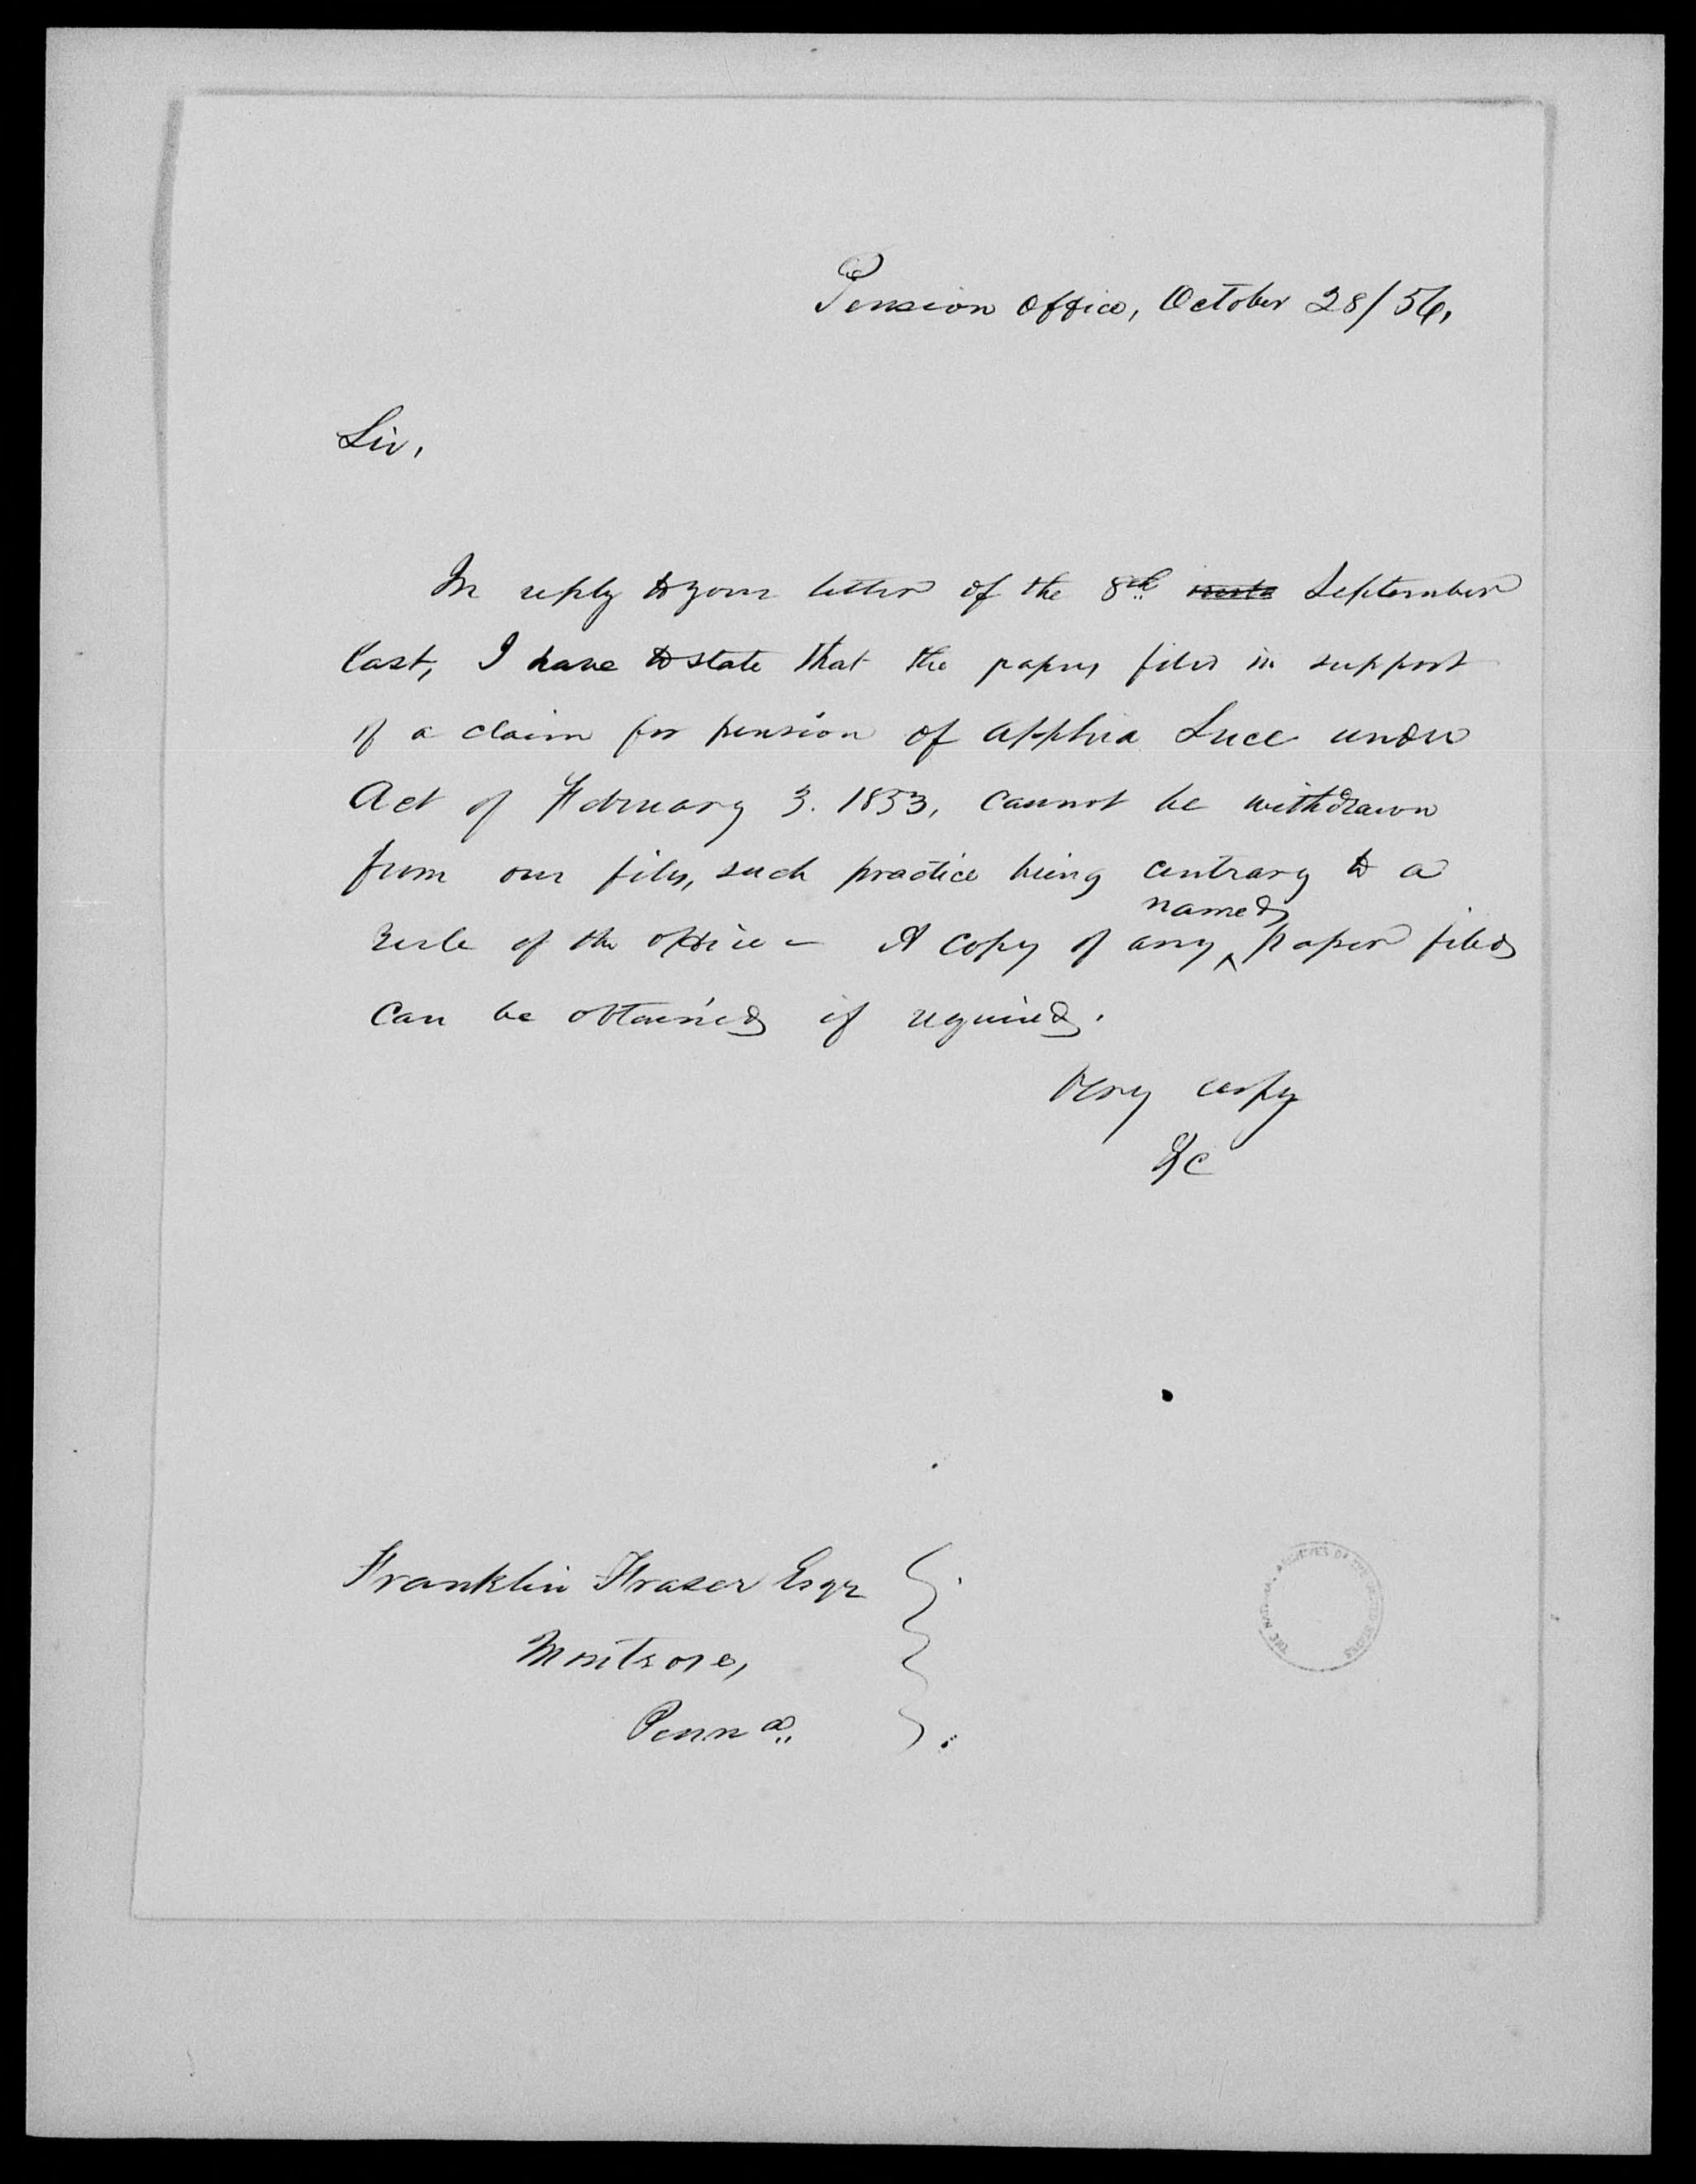Pension Office, October 28/56,

Sir,

In reply to your letter of the 8th September last, I have to state that the papers filed in support of a claim for pension of Apphia Luce under Act of February 3. 1853, cannot be withdrawn from our files, such practice being contrary to a rule of the House.  A copy of any named paper files can be obtained if required.

Very truly 
[illegible]

Franklin Fraser Esq
Montrose
Penna.

[stamped] THE NATIONAL ARCHIVES OF THE UNITED STATES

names: Apphia Luce; Franklin Fraser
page: 25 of 70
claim: rejected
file: R. 6510, for Israel Luce, New York